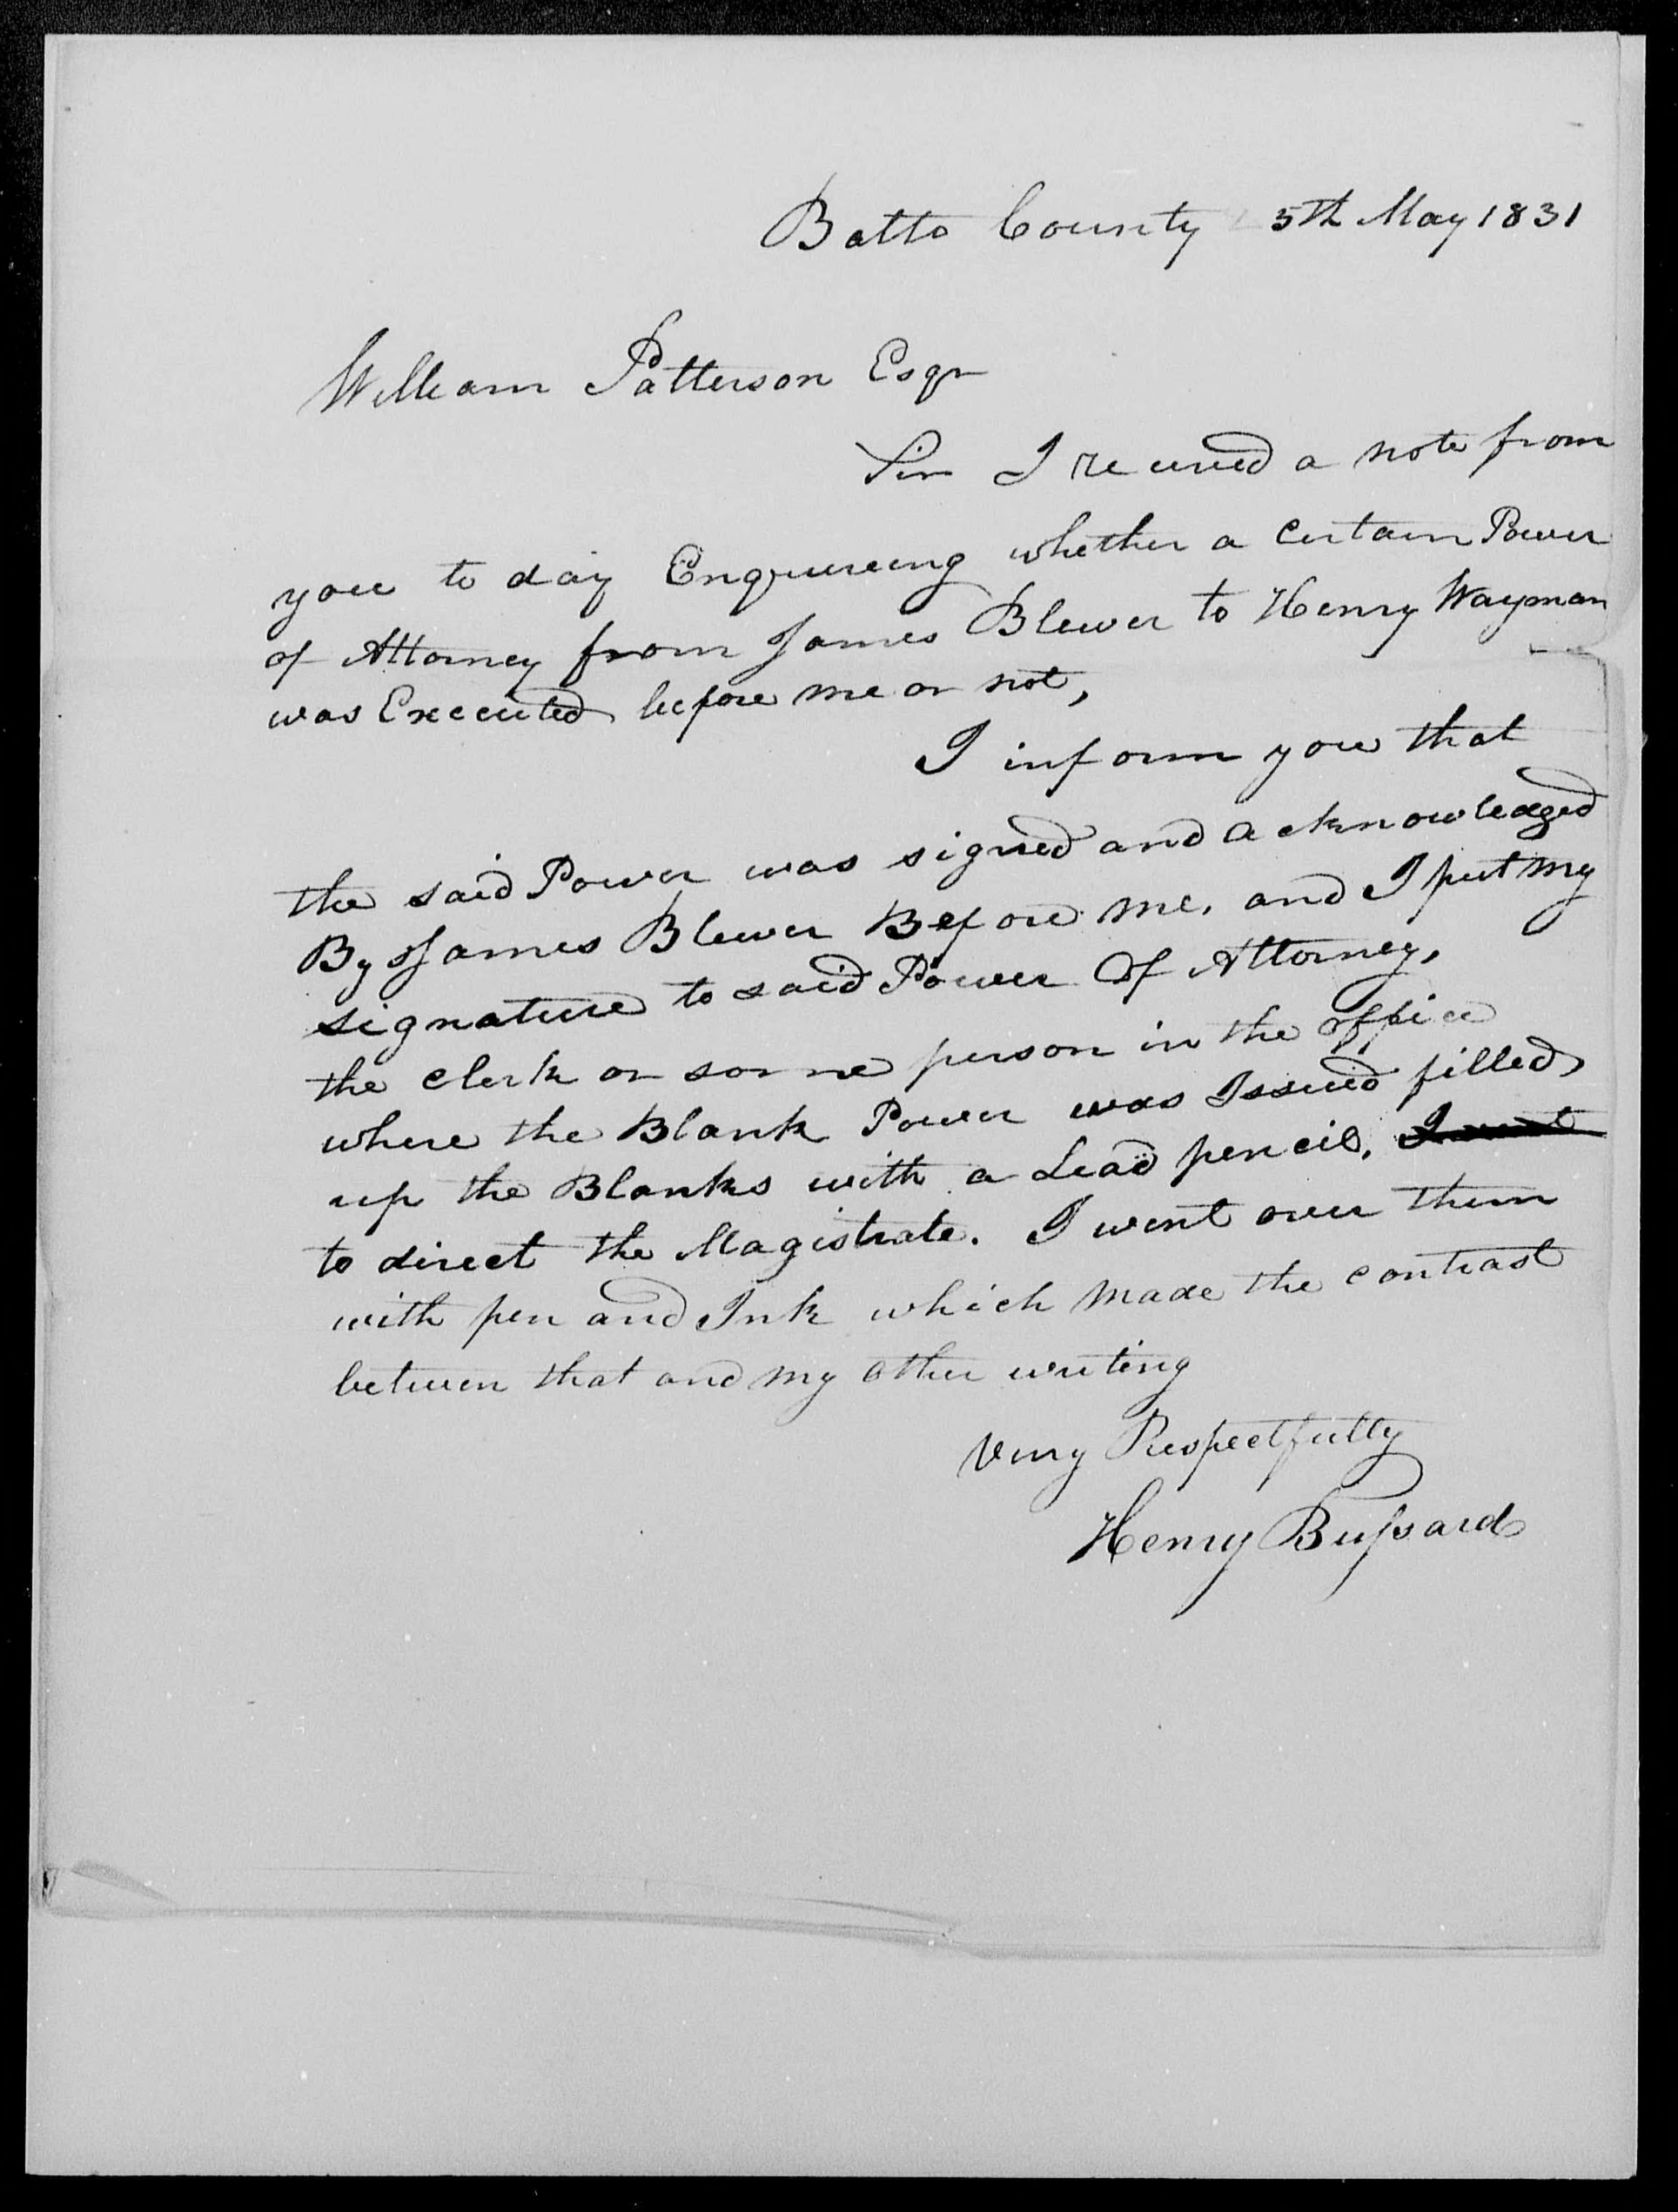Balto County 5th May 1831

William Patterson Esq

Sir

I received a note from you today inquiring whether a certain Power of Attorney from James Blewer to Henry Wayman was executed before me or not.

I inform you that the said Power was signed and acknowledged by James Blewer before me and I put my signature to said power of Attorney, the clerk or some person i the office where the blank power was issued filled up the blanks with a lead pencil, illegible, to direct the Magistrate. I went over them with pen and ink which made the contrast between that and my other writing.

Very respectfully
Henry Bussard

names: James Blewer, James Blewer, Henry Wayman, Henry Bussard, William Patterson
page: 18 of 30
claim: survivor's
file: S. 10093, James Blewer, Md.